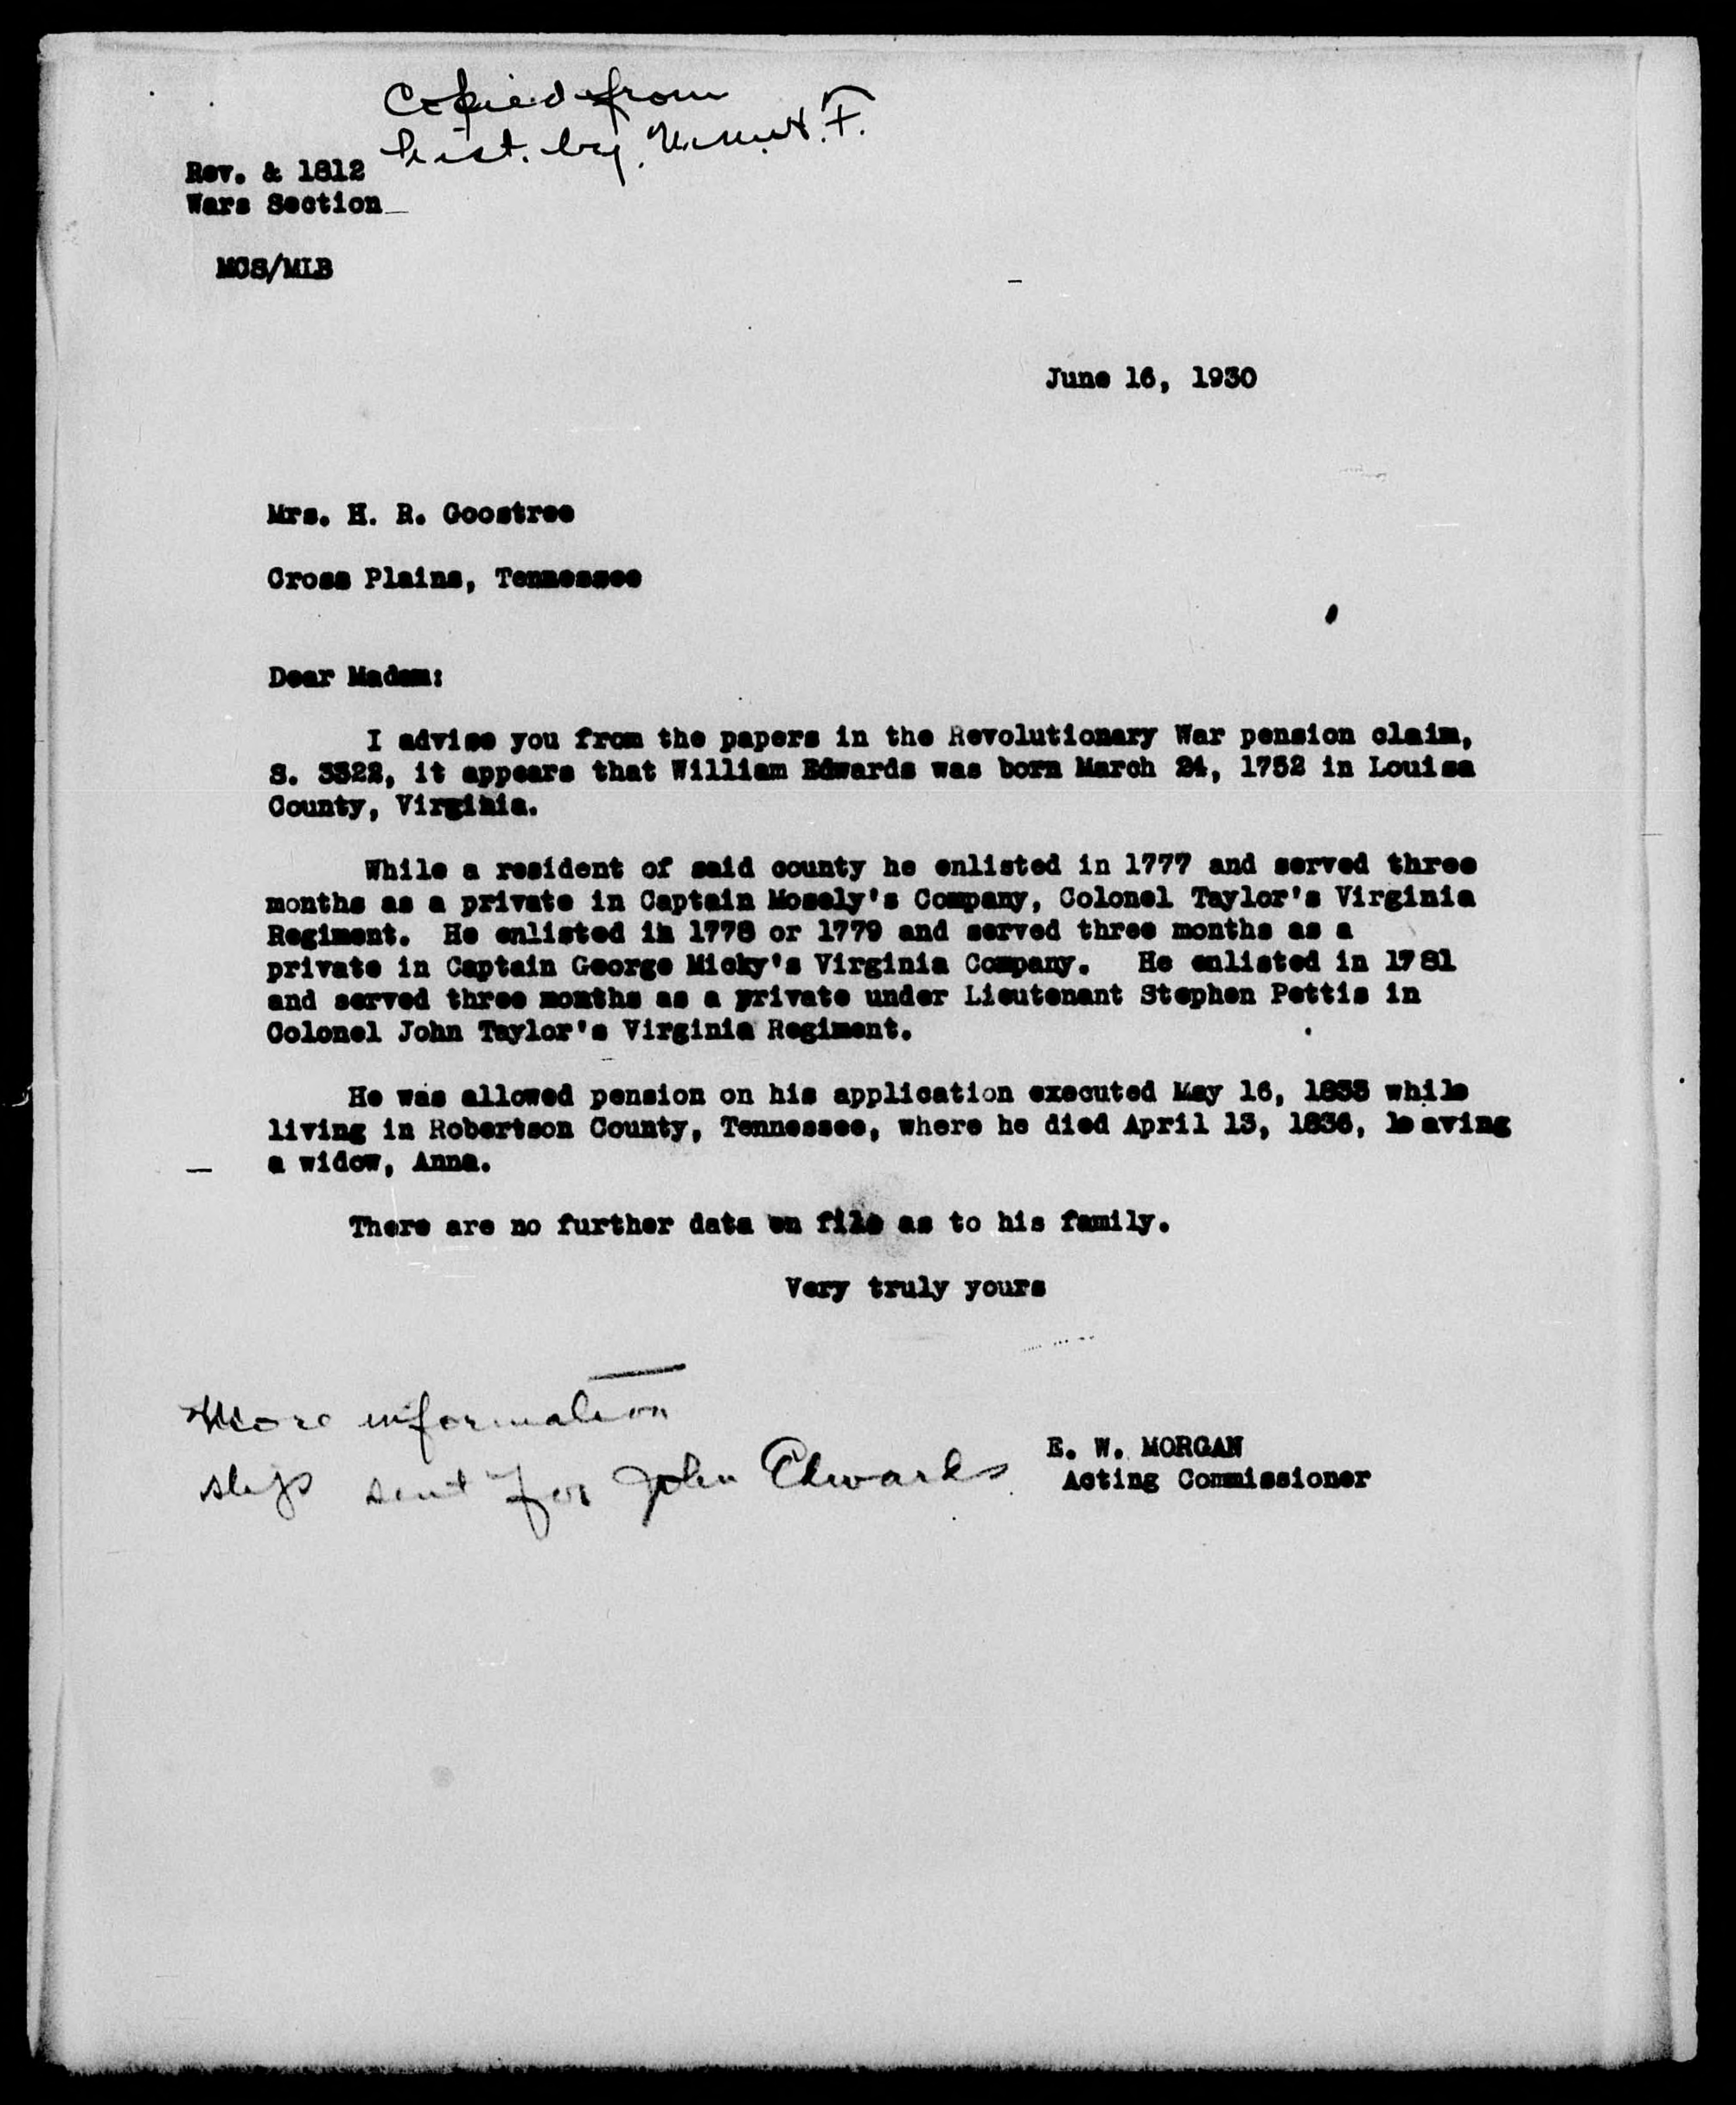[handwritten: Copied from hist. by. MM.H.F.]
Rev. & 1812
Wars Section
MJS/MLB

June 16, 1930

Mrs. H. R. Goostree
Cross Plains, Tennessee

Dear Madam:

I advise you from the papers in the Revolutionary War pension claim, S. 3322, it appears that William Edwards was born March 24, 1752 in Louisa County, Virginia.

While a resident of said county he enlisted in 1777 and served three months as a private in Captain Mosely's Company, Colonel Taylor's Virginia Regiment. He enlisted in 1778 or 1779 and served three months as a private in Captain George Micky's Virginia Company. He enlisted in 1781 and served three months as a private under Lieutenant Stephen Pettis in Colonel John Taylor's Virginia Regiment.

He was allowed pension on his application executed May 16, 1833 while living in Robertson County, Tennessee, where he died April 13, 1836, leaving a widow, Anna.

There are no further data on file as to his family.
Very truly yours

E. W. MORGAN
Acting Commissioner

[handwritten: More information was sent for John Edwards]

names: H R Goostree, Anna, E W Morgan, Stephen Pettis, William Edwards, John Edwards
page: 30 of 47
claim: survivor's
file: S. 3,322, William Edwards, Va.